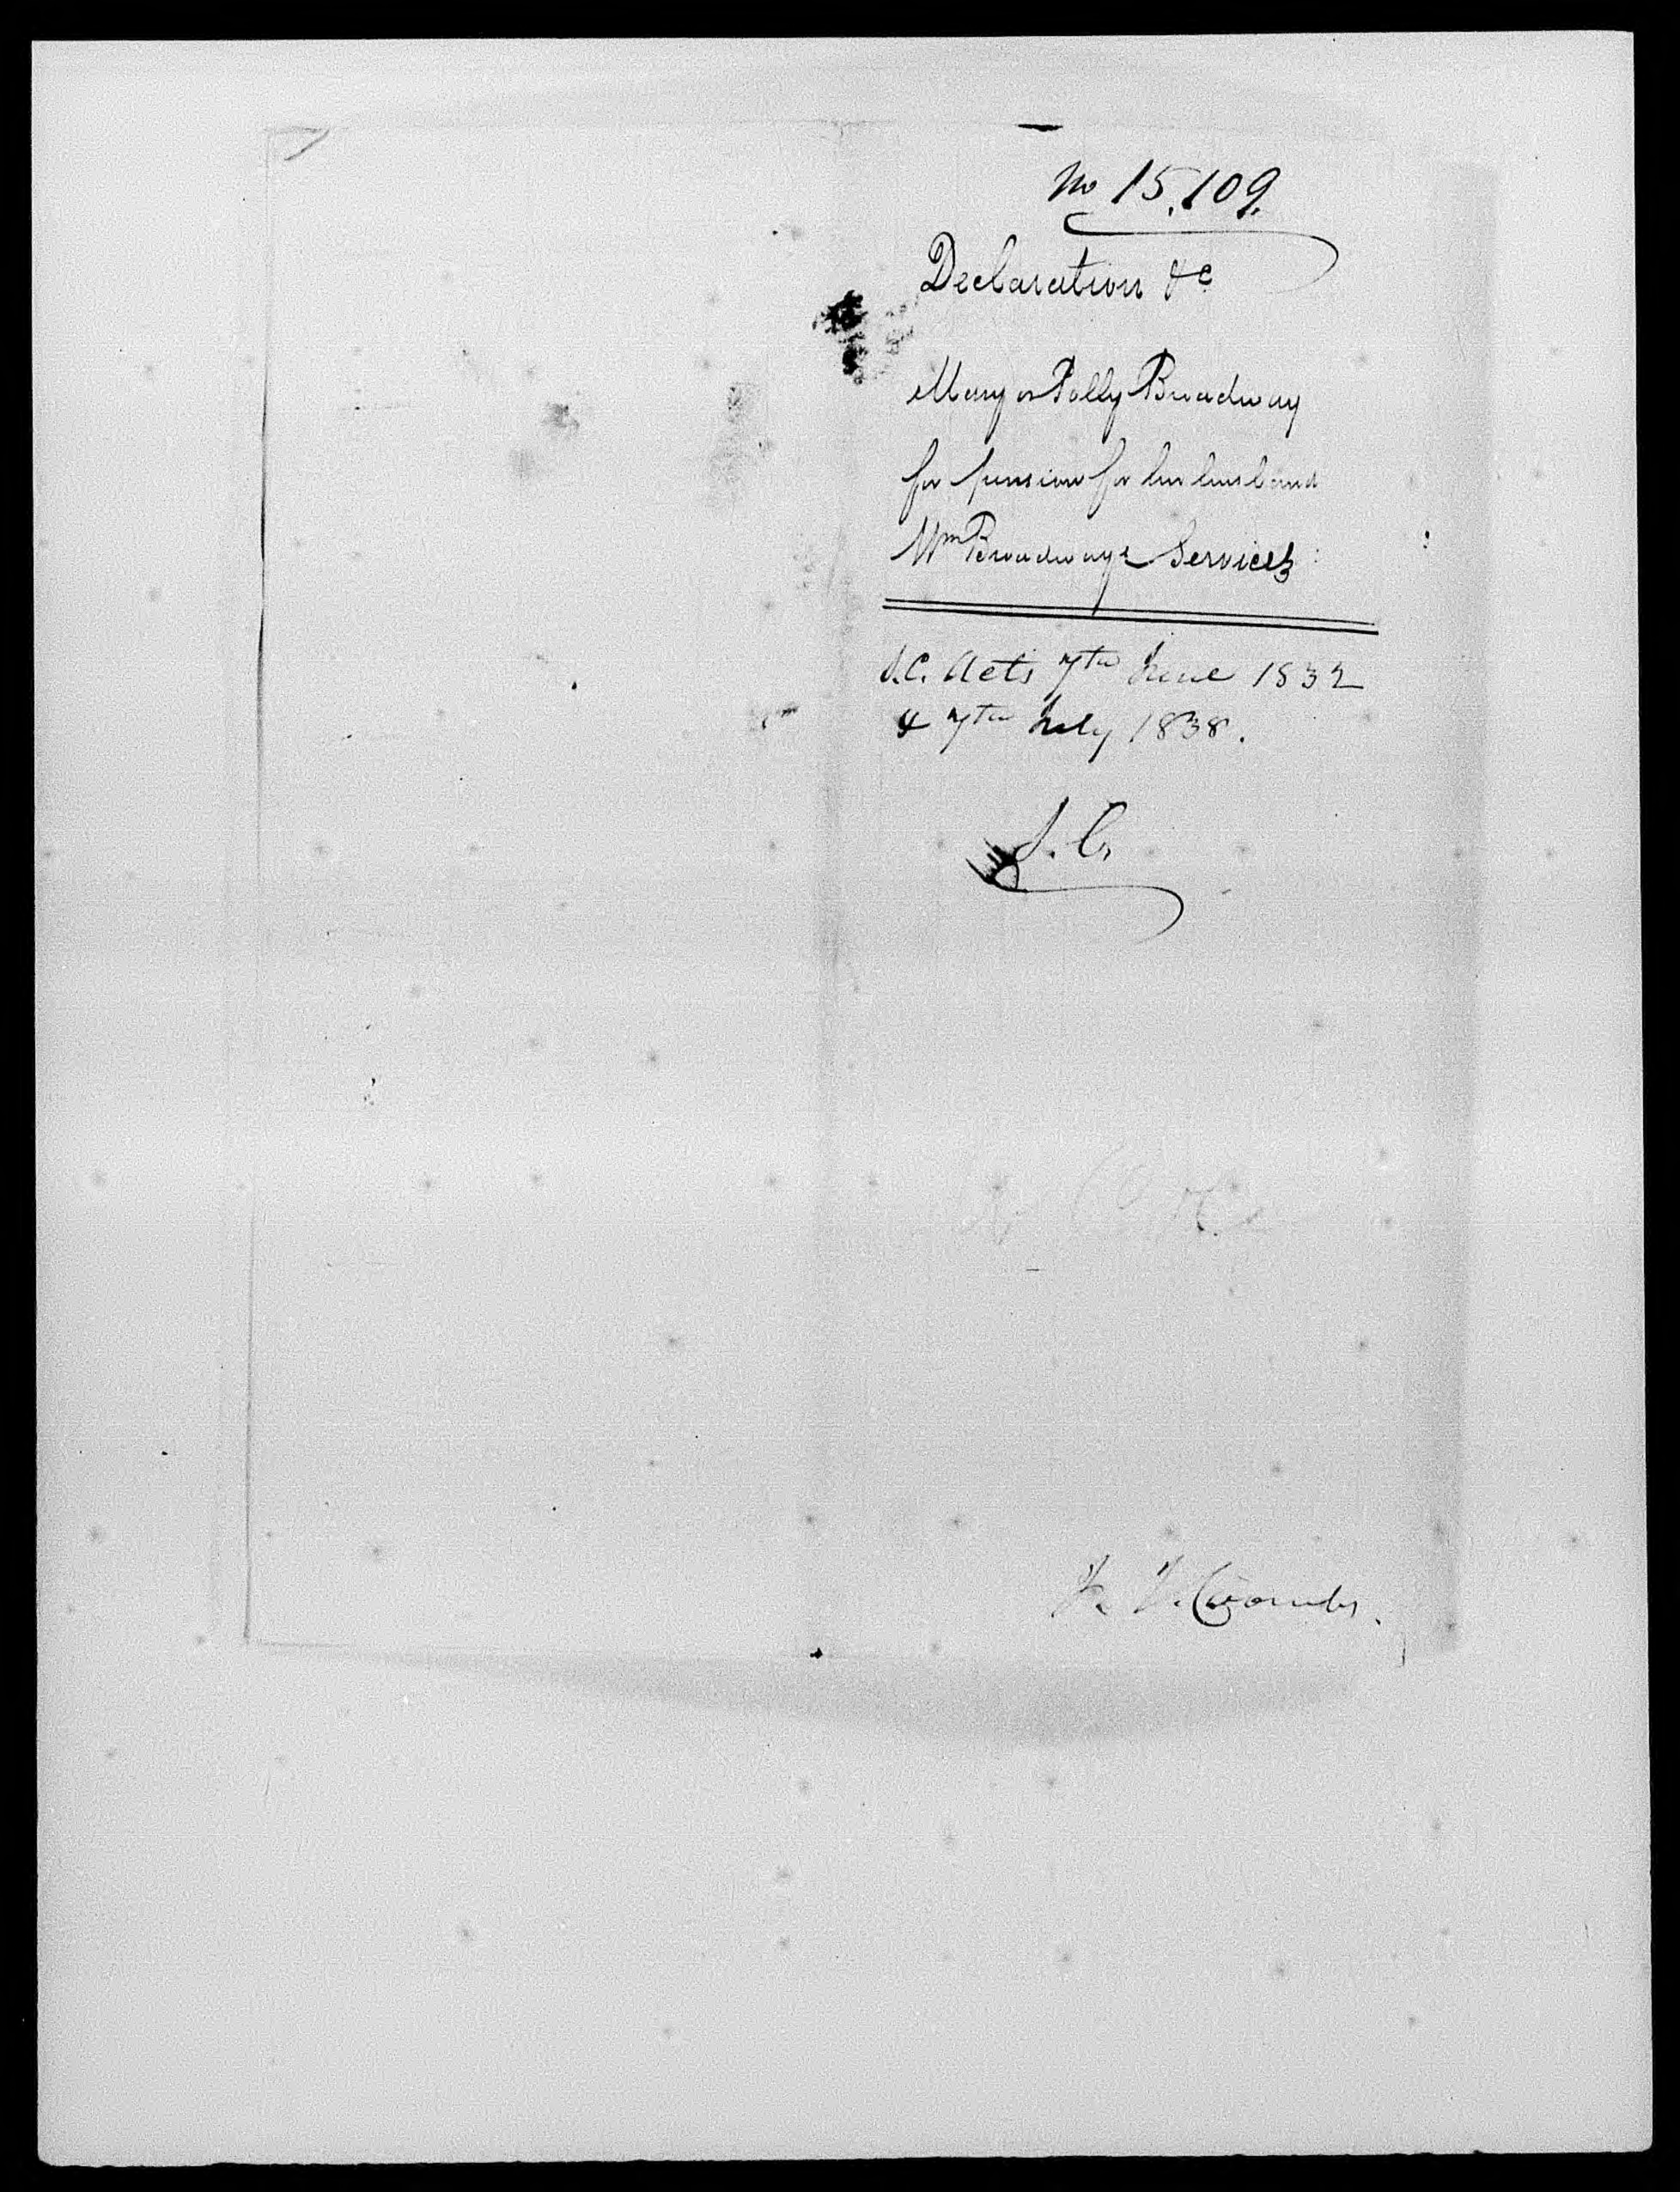No 15, 109.
Declaration &c
Mary or Polly Broadway
for pension for her husband
Wm Broadway Services
S.C. Acts 7th June 1832
& 7th July 1838.
So Car
J. J. Coombe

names: Mary Broadway, Polly Broadway, Wm Broadway, J J Coombs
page: 95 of 98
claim: widow's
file: W. 8398, William Broadway, S.C.